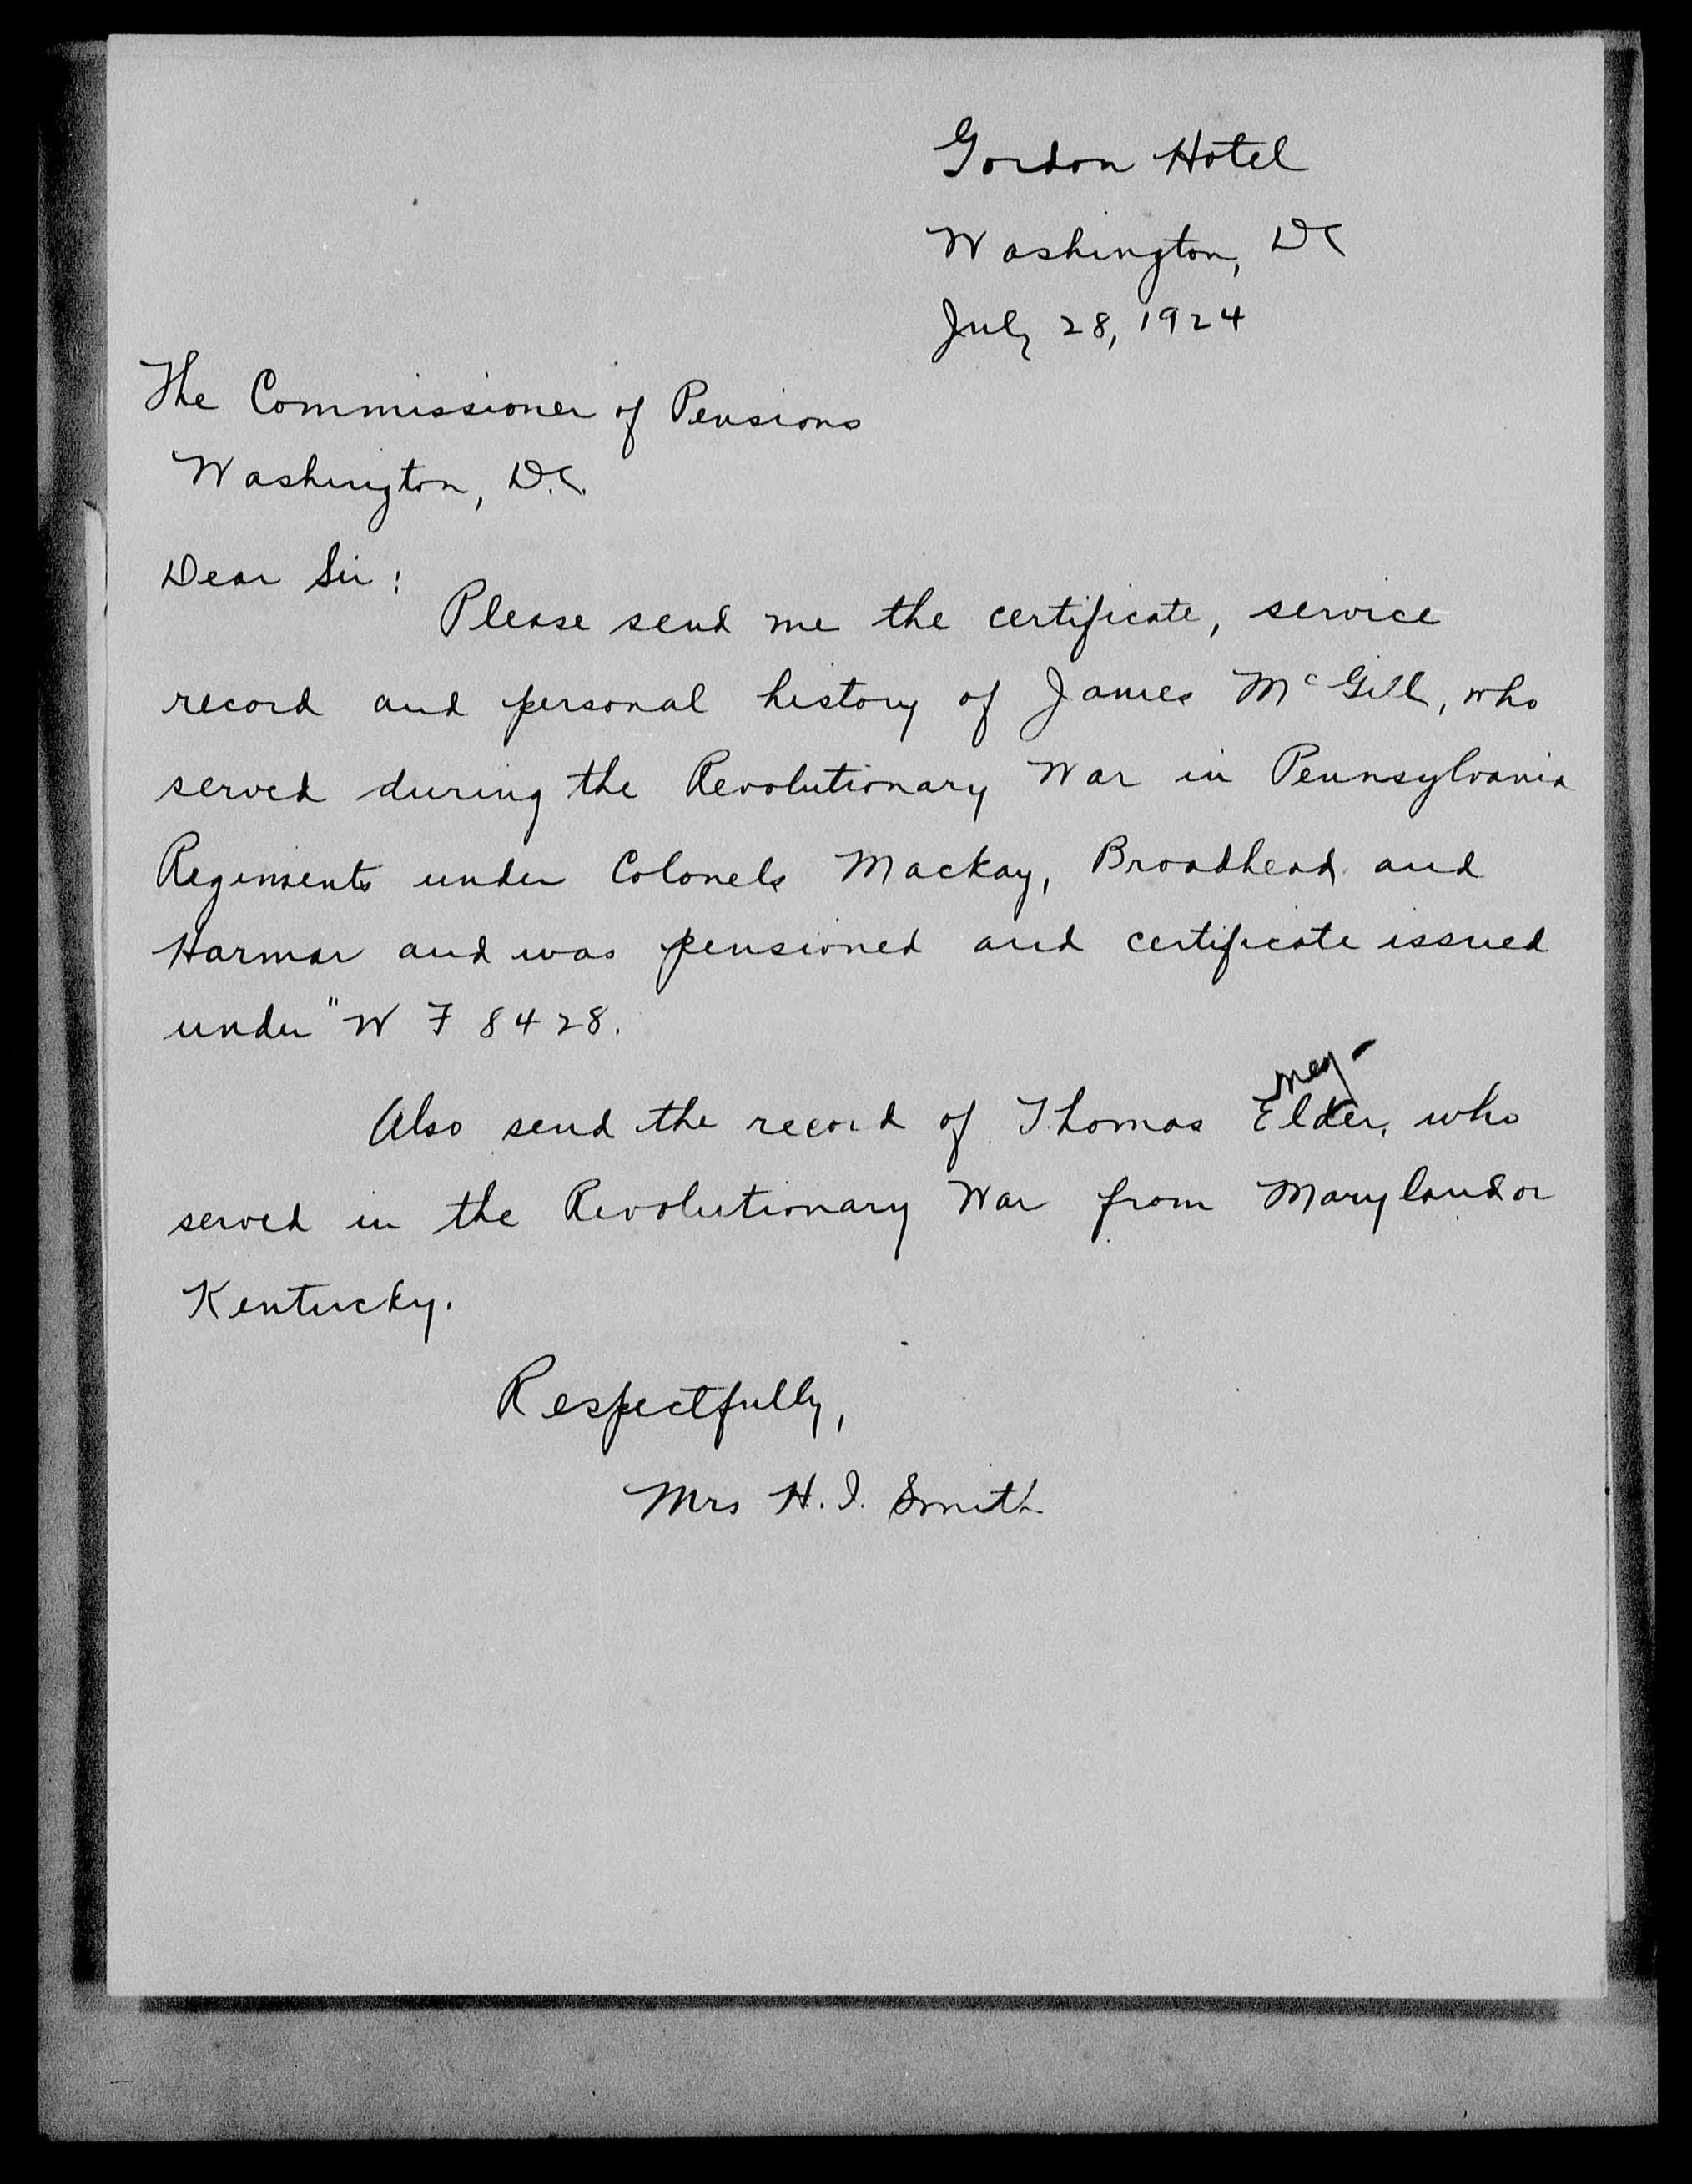Image 119 4160873_0019
Fold3 File #23857285

Gordon Hotel  Washington, DC 
July 28, 1924

The Commissioner of Pensions  Washington, D.C.
Dear Sir:
Please send me the certificate, service record and personal history of James McGill, who served during the Revolutionary War in Pennsylvania Regiments under Colonels Mackay, Broadhead and Harmar and was pensioned and certificate issued under "WF3828.
Also send the record of Thomas Elder, who served in the Revolutionary War from Maryland or Kentucky.
Respectfully, Mrs. H. I. Smith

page: 61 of 71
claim: widow's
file: W. 8428, for James Mc Gill, Pennsylvania